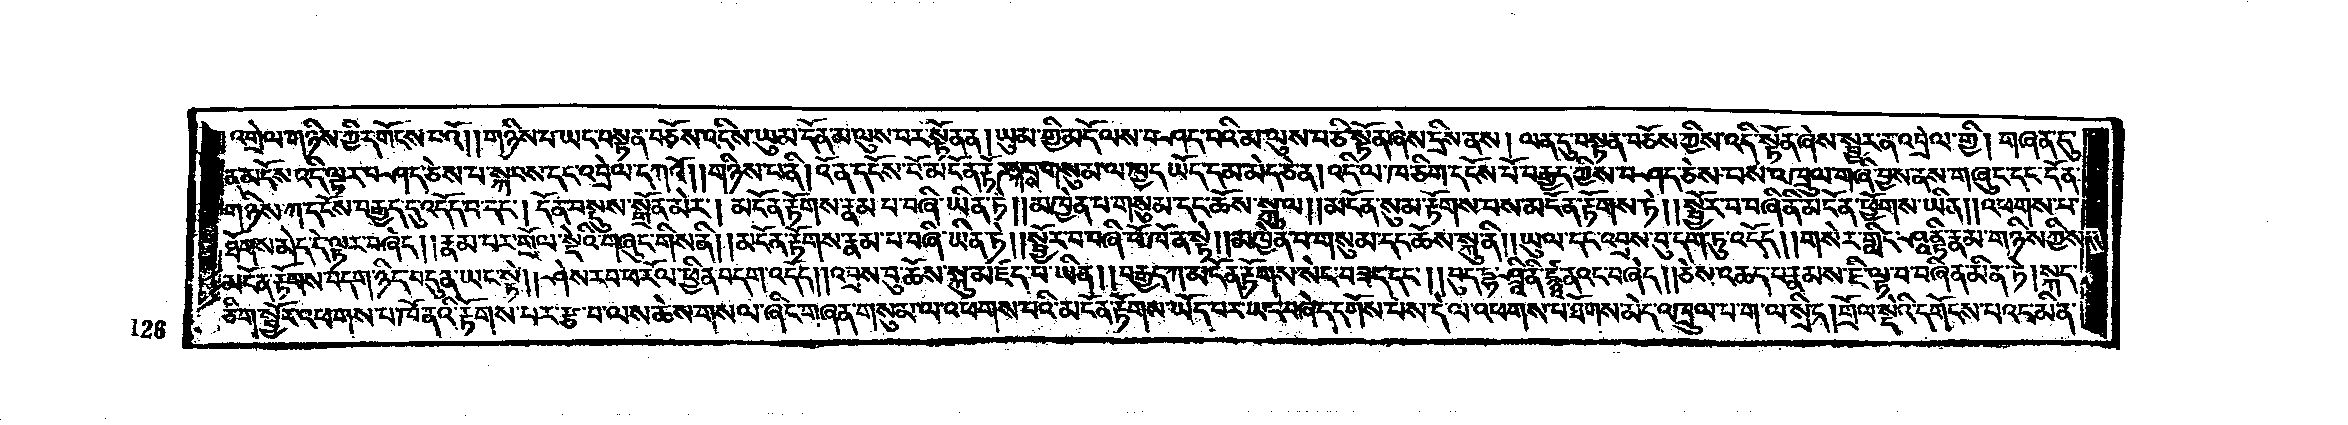འགྲེལ་གཉིས་ཀྱི་དགོངས་པའོ། །གཉིས་པ་ཡང་བསྟན་བཅོས་འདིས་ཡུམ་དོན་མ་ལུས་པར་སྟོན་ན། ཡུམ་གྱི་མདོ་ལས་བཤད་པའི་མ་ལུས་པ་ཅི་སྟོན་ཞེས་དྲིས་ནས། ལན་དུ་བསྟན་བཅོས་ཀྱིས་འདི་སྟོན་ཞེས་སྦྱར་ན་འབྲེལ་གྱི། གཞན་དུ་
ན་མདོས་འདི་ལྟར་བཤད་ཅེས་པ་སྐབས་དང་འབྲེལ་དཀའོ། །གཉིས་པ་ནི། འོ་ན་དངོས་པོ་མངོན་རྟོགས་སྐབས་གསུམ་ལ་ཁྱད་ཡོད་དམ་མེད་ཅེ་ན། འདི་ལ་ཁ་ཅིག་དངོས་པོ་བརྒྱད་ཀྱིས་བཤད་ཅེས་པས་འཁྲུལ་གཞི་བྱས་ནས་གཞུང་དང་དོན་
གཉིས་ཀ་དངོས་བརྒྱད་དུ་འདོད་པ་དང་། དོན་བསྡུས་སྒྲོན་མེར། མངོན་རྟོགས་རྣམ་པ་བཞི་ཡིན་ཏེ། །མཁྱེན་པ་གསུམ་དང་ཆོས་སྐུ་ལ། །མངོན་སུམ་རྟོགས་པས་མངོན་རྟོགས་ཏེ། །སྦྱོར་བ་བཞི་ནི་མངོན་ཕྱོགས་ཡིན། །འཕགས་པ་
ཐོགས་མེད་དེ་ལྟར་བཞེད། །རྣམ་པར་གྲོལ་སྡེའི་གཞུང་གིས་ནི། །མངོན་རྟོགས་རྣམ་པ་བཞི་ཡིན་ཏེ། །སྦྱོར་བ་བཞི་པོ་ཁོ་ན་སྟེ། །མཁྱེན་པ་གསུམ་དང་ཆོས་སྐུ་ནི། །ཡུལ་དང་འབྲས་བུ་དག་ཏུ་འདོད། །གསེར་གླིང་ཤཱནྟི་རྣམ་གཉིས་ཀྱིས་
མངོན་རྟོགས་བདག་ཉིད་བདུན་ཡང་སྟེ། །ཤེས་རབ་ཕ་རོལ་ཕྱིན་བདག་འདོད། །འབྲས་བུ་ཆོས་སྐུ་མཛད་པ་ཡིན། །བརྒྱད་ཀ་མངོན་རྟོགས་སེང་བཟང་དང་། །བུད་དྷ་ཤྲཱི་ནི་ཛྙཱ་ནའང་བཞེད། །ཅེས་འཆད་པ་རྣམས་ཇི་ལྟ་བ་བཞིན་མིན་ཏེ། སྐད་
ཅིག་སྦྱོར་འཕགས་པ་ཁོ་ནའི་རྟོགས་པར་རྩ་བ་ལས་ཆེས་གསལ་ཞིང་གཞན་གསུམ་ལ་འཕགས་པའི་མངོན་རྟོགས་ཡོད་པར་ཡང་བཞེད་དགོས་པས་དེ་ལ་འཕགས་པ་ཐོགས་མེད་འཁྲུལ་པ་ག་ལ་སྲིད། གྲོལ་སྡེའི་དགོངས་པའང་མིན་